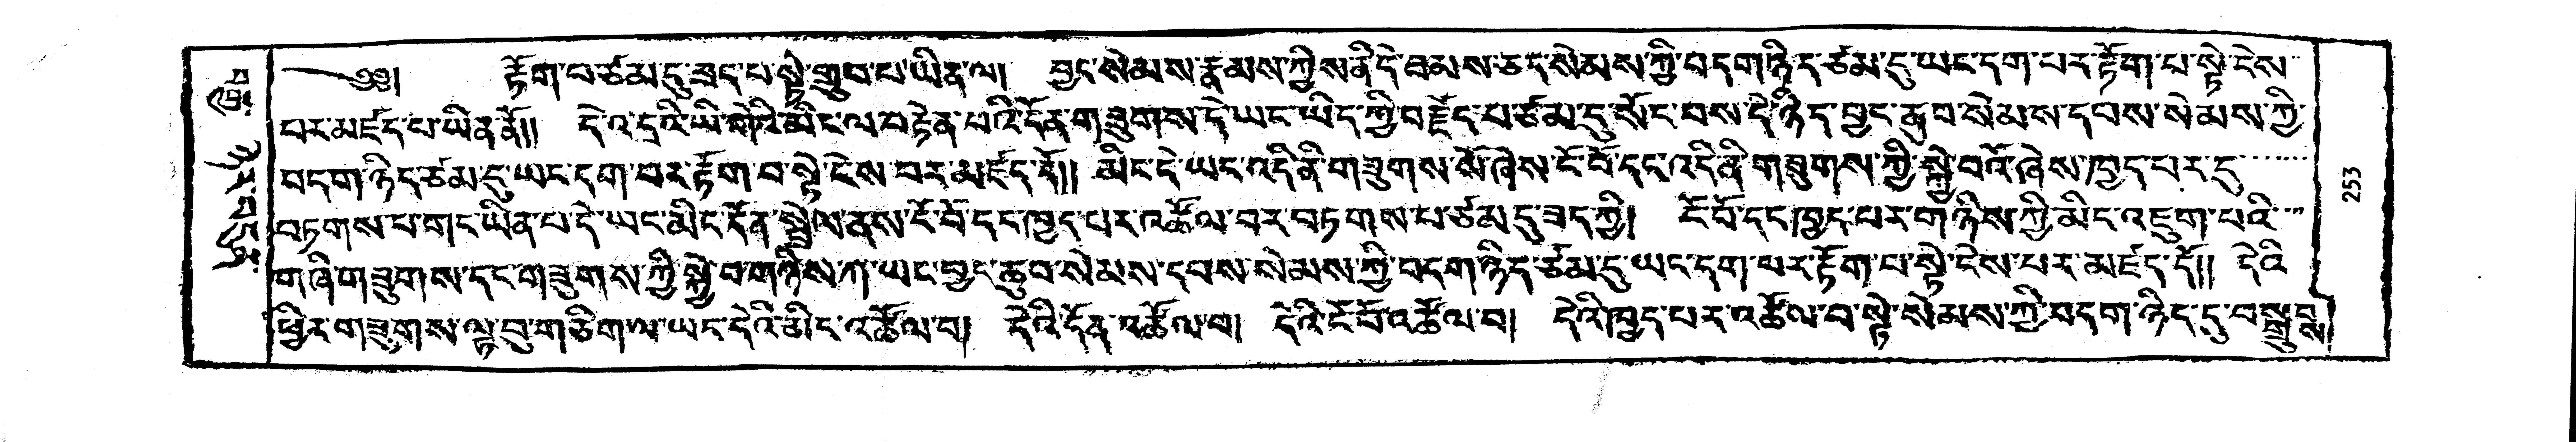༄༅། །རྟོག་པ་ཙམ་དུ་ཟད་པ་སྟེ་གྲུབ་པ་ཡིན་ལ། བྱང་སེམས་རྣམས་ཀྱིས་ནི་དེ་ཐམས་ཅད་སེམས་ཀྱི་བདག་ཉིད་ཙམ་དུ་ཡང་དག་པར་རྟོག་པ་སྟེ་ངེས་
པར་མཛད་པ་ཡིན་ནོ། །དེ་འདྲའི་ཡི་གེའི་མིང་ལ་བརྟེན་པའི་དོན་གཟུགས་དེ་ཡང་ཡིད་ཀྱི་བརྗོད་པ་ཙམ་དུ་སོང་བས་དེ་ཉིད་བྱང་ཆུབ་སེམས་དཔས་སེམས་ཀྱི་
བདག་ཉིད་ཙམ་དུ་ཡང་དག་པར་རྟོག་བ་སྟེ་ངེས་པར་མཛད་དོ། །མིང་དེ་ཡང་འདི་ནི་གཟུགས་སོ་ཞེས་ངོ་བོ་དང་འདི་ནི་གཟུགས་ཀྱི་སྐྱེ་བའོ་ཞེས་ཁྱད་པར་དུ་
བཏགས་པ་གང་ཡིན་པ་དེ་ཡང་མིང་དོན་སྤྲེལ་ནས་ངོ་བོ་དང་ཁྱད་པར་འཚོལ་བར་བཏགས་པ་ཙམ་དུ་ཟད་ཀྱི། ངོ་བོ་དང་ཁྱད་པར་གཉིས་ཀྱི་མིང་འཇུག་པའི་
གཞི་གཟུགས་དང་གཟུགས་ཀྱི་སྐྱེ་བ་གཉིས་ཀ་ཡང་བྱང་ཆུབ་སེམས་དཔས་སེམས་ཀྱི་བདག་ཉིད་ཙམ་དུ་ཡང་དག་པར་རྟོག་པ་སྟེ་ངེས་པར་མཛད་དོ། །དེའི་
ཕྱིར་གཟུགས་ལྟ་བུ་གཅིག་ལ་ཡང་དེའི་མིང་འཚོལ་བ། དེའི་དོན་འཚོལ་བ། དེའི་ངོ་བོ་འཚོལ་བ། དེའི་ཁྱད་པར་འཚོལ་བ་སྟེ་སེམས་ཀྱི་བདག་ཉིད་དུ་བསྒྲུབས་